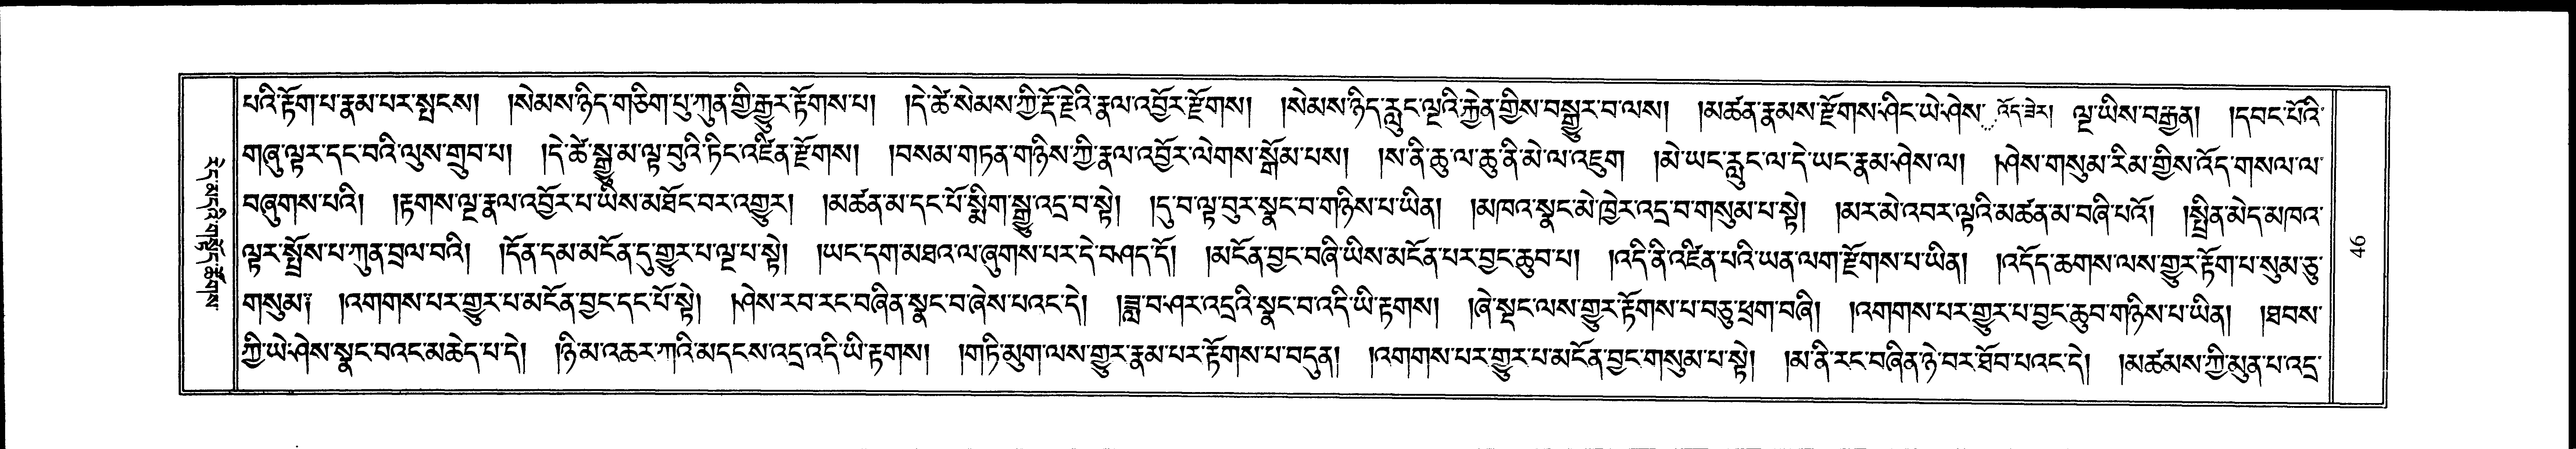པའི་རྟོག་པ་རྣམ་པར་སྤངས། །སེམས་ཉིད་གཅིག་པུ་ཀུན་གྱི་རྒྱུར་རྟོགས་པ། །དེ་ཚེ་སེམས་ཀྱི་རྡོ་རྗེའི་རྣལ་འབྱོར་རྫོགས། །སེམས་ཉིད་རླུང་ལྔའི་རྐྱེན་གྱིས་བསྒྱུར་བ་ལས། །མཚན་རྣམས་རྫོགས་ཤིང་ཡེ་ཤེས་འོད་ཟེར། ལྔ་ཡིས་བརྒྱན། །དབང་པོའི་
གཞུ་ལྟར་དང་བའི་ལུས་གྲུབ་པ། །དེ་ཚེ་སྒྱུ་མ་ལྟ་བུའི་ཏིང་འཛིན་རྫོགས། །བསམ་གཏན་གཉིས་ཀྱི་རྣལ་འབྱོར་ལེགས་སྒོམ་པས། །ས་ནི་ཆུ་ལ་ཆུ་ནི་མེ་ལ་འཇུག །མེ་ཡང་རླུང་ལ་དེ་ཡང་རྣམ་ཤེས་ལ། །ཤེས་གསུམ་རིམ་གྱིས་འོད་གསལ་ལ་
གཞུགས་པའི། །རྟགས་ལྔ་རྣལ་འབྱོར་པ་ཡིས་མཐོང་བར་འགྱུར། །མཚན་མ་དང་པོ་སྨིག་སྒྱུ་འདྲ་བ་སྟེ། །དུ་བ་ལྟ་བུར་སྣང་བ་གཉིས་པ་ཡིན། །མཁའ་སྣང་མེ་ཁྱེར་འདྲ་བ་གསུམ་པ་སྟེ། །མར་མེ་འབར་ལྟའི་མཚན་མ་བཞི་པའོ། །སྤྲིན་མེད་མཁའ་
ལྟར་སྤྲོས་པ་ཀུན་བྲལ་བའི། །དོན་དམ་མངོན་དུ་གྱུར་པ་ལྔ་པ་སྟེ། །ཡང་དག་མཐའ་ལ་ཞུགས་པར་དེ་བཤད་དོ། །མངོན་བྱང་བཞི་ཡིས་མངོན་པར་བྱང་ཆུབ་པ། །འདི་ནི་འཛིན་པའི་ཡན་ལག་རྫོགས་པ་ཡིན། །འདོད་ཆགས་ལས་གྱུར་རྟོག་པ་སུམ་ཅུ་
གསུམ། །འགགས་པར་གྱུར་པ་མངོན་བྱང་དང་པོ་སྟེ། །ཤེས་རབ་རང་བཞིན་སྣང་བ་ཞེས་པའང་དེ། །ཟླ་བ་ཤར་འདྲའི་སྣང་བ་འདི་ཡི་རྟགས། །ཞེ་སྡང་ལས་གྱུར་རྟོགས་པ་བཅུ་ཕྲག་བཞི། །འགགས་པར་གྱུར་པ་བྱང་ཆུབ་གཉིས་པ་ཡིན། །ཐབས་
ཀྱི་ཡེ་ཤེས་སྣང་བའང་མཆེད་པ་དེ། །ཉི་མ་འཆར་ཀའི་མདངས་འདྲ་འདི་ཡི་རྟགས། །གཏི་མུག་ལས་གྱུར་རྣམ་པར་རྟོགས་པ་བདུན། །འགགས་པར་གྱུར་པ་མངོན་བྱང་གསུམ་པ་སྟེ། །མ་ནི་རང་བཞིན་ཉེ་བར་ཐོབ་པའང་དེ། །མཚམས་ཀྱི་མུན་པ་འདྲ་